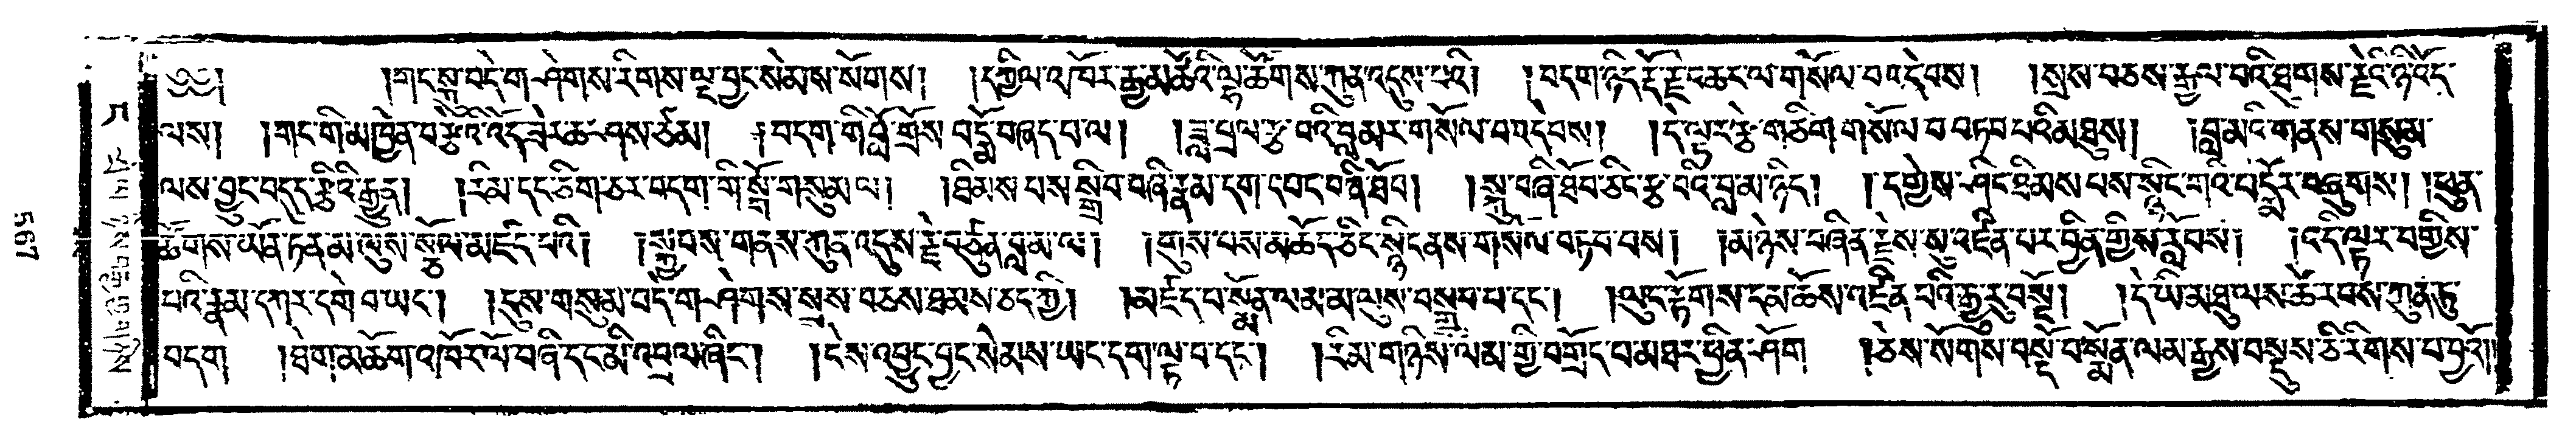༄༅། །གང་སྐུ་བདེ་གཤེགས་རིགས་ལྔ་བྱང་སེམས་སོགས། །དཀྱིལ་འཁོར་རྒྱ་མཚོའི་ལྷ་ཚོགས་ཀུན་འདུས་པའི། །བདག་ཉིད་རྡོ་རྗེ་འཆང་ལ་གསོལ་བ་འདེབས། །སྲས་བཅས་རྒྱལ་བའི་ཐུགས་རྗེའི་ཉི་འོད་
ལས། །གང་གི་མཁྱེན་བརྩེའི་འོད་ཟེར་ཆ་ཤས་ཙམ། །བདག་གི་བློ་གྲོས་པདམོ་བཞད་པ་ལ། །ཟླ་བྲལ་རྩ་བའི་བླ་མར་གསོལ་བ་འདེབས། །དེ་ལྟར་རྩེ་གཅིག་གསོལ་བ་བཏབ་པའི་མཐུས། །བླ་མའི་གནས་གསུམ་
ལས་བྱུང་བདུད་རྩིའི་རྒྱུན། །རིམ་དང་ཅིག་ཅར་བདག་གི་སྒོ་གསུམ་ལ། །ཐིམས་པས་སྒྲིབ་བཞི་རྣམ་དག་དབང་བཞི་ཐོབ། །སྐུ་བཞི་ཐོབ་ཅིང་རྩ་བའི་བླ་མ་ཉིད། །དགྱེས་ཤིང་ཐིམས་པས་སྙིང་གའི་པདམོར་བཞུགས། །ཕུན་
ཚོགས་ཡོན་ཏན་མ་ལུས་སྩོལ་མཛད་པའི། །སྐྱབས་གནས་ཀུན་འདུས་རྗེ་བཙུན་བླ་མ་ལ། །གུས་པས་མཆོད་ཅིང་སྙིང་ནས་གསོལ་བཏབ་པས། །མཉེས་བཞིན་རྗེས་སུ་འཛིན་པར་བྱིན་གྱིས་རློབས། །འདི་ལྟར་བགྱིས་
པའི་རྣམ་དཀར་དགེ་བ་ཡང་། །དུས་གསུམ་བདེ་གཤེགས་སྲས་བཅས་ཐམས་ཅད་ཀྱི། །མཛད་པ་སྨོན་ལམ་མ་ལུས་བསྒྲུབ་པ་དང་། །ལུང་རྟོགས་དམ་ཆོས་འཛིན་པའི་རྒྱུ་རུ་བསྔོ། །དེ་ཡི་མཐུ་ལས་ཚེ་རབས་ཀུན་ཏུ་
བདག །ཐེག་མཆོག་འཁོར་ལོ་བཞི་དང་མི་འབྲལ་ཞིང་། །ངེས་འབྱུང་བྱང་སེམས་ཡང་དག་ལྟ་བ་དང་། །རིམ་གཉིས་ལམ་གྱི་བགྲོད་པ་མཐར་ཕྱིན་ཤོག །ཅེས་སོགས་བསྔོ་བ་སྨོན་ལམ་རྒྱས་བསྡུས་ཅི་རིགས་པ་བྱའོ།།